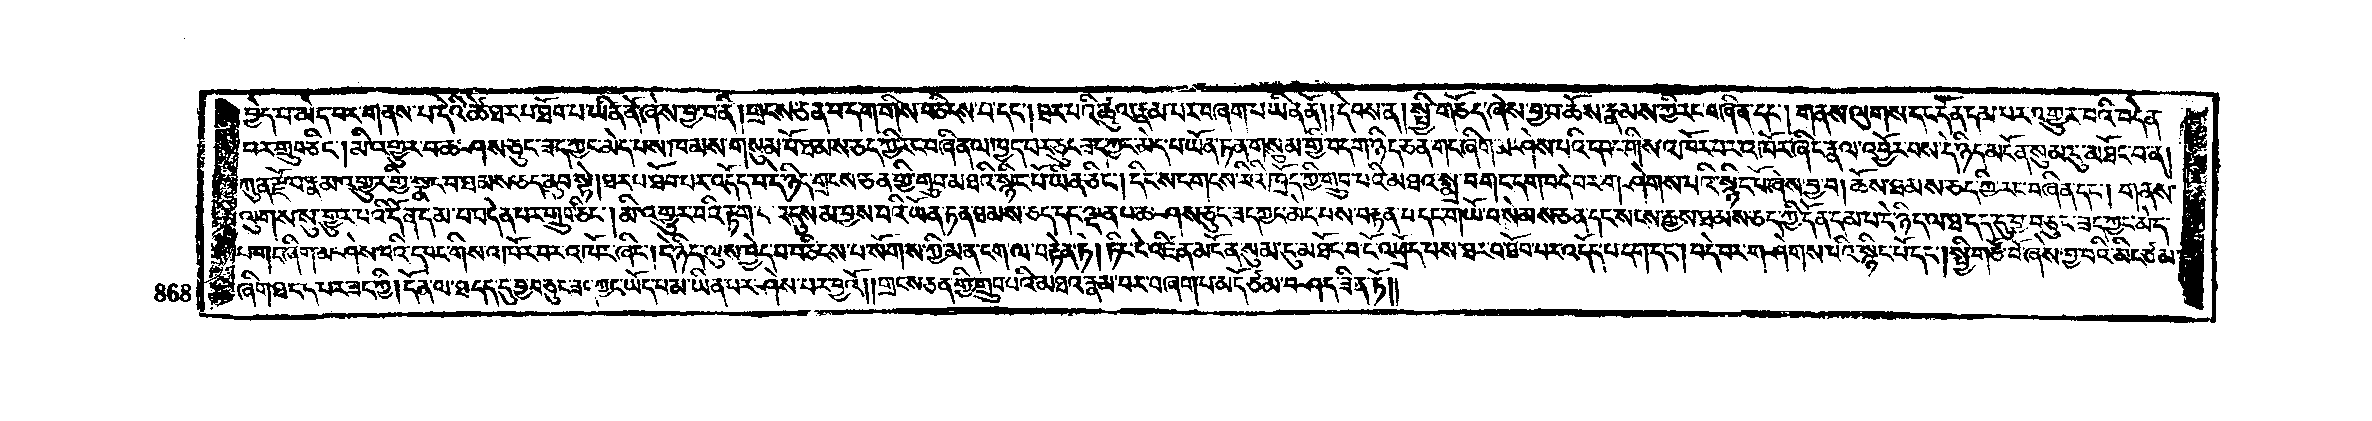བྱེད་པ་མེད་པར་གནས་པ་དེའི་ཚེ་ཐར་པ་ཐོབ་པ་ཡིན་ནོ་ཞེས་བྱ་བ་ནི། གྲངས་ཅན་པ་དག་གིས་བཅིངས་པ་དང་། ཐར་པའི་ཚུལ་རྣམ་པར་བཞག་པ་ཡིན་ནོ། །དེ་བས་ན། སྤྱི་གཅོད་ཞེས་བྱ་བ་ཆོས་རྣམས་ཀྱི་རང་བཞིན་དང་། གནས་ལུགས་དང་དོན་དམ་པར་འགྱུར་བའི་བདེན་
པར་གྲུབ་ཅིང་། མི་འགྱུར་བ་ཆ་ཤས་ཅུང་ཟད་ཀྱང་མེད་པས་ཁམས་གསུམ་པོ་ཐམས་ཅད་ཀྱི་རང་བཞིན་ལ་ཁྱད་པར་ཅུང་ཟད་ཀྱང་མེད་པ་ཡོན་ཏན་གསུམ་གྱི་བདག་ཉིད་ཅན་གང་ཞིག་མ་ཤེས་པའི་དབང་གིས་འཁོར་བར་འཁོར་ཞིང་རྣལ་འབྱོར་བས་དེ་ཉིད་མངོན་སུམ་དུ་མཐོང་བ་ན།
ཀུན་རྫོབ་རྣམ་འགྱུར་གྱི་སྣང་བ་ཐམས་ཅད་ནུབ་སྟེ། ཐར་པ་ཐོབ་པར་འདོད་པ་དེ་ཉིད་གྲངས་ཅན་གྱི་གུབ་མཐའི་སྙིང་པོ་ཡིན་ཅིང་། དིང་སང་གངས་རིའི་ཁྲོད་ཀྱི་གྲུབ་པའི་མཐའ་སྨྲ་བ་གང་དག་བདེ་པར་གཤེགས་པའི་སྙིང་པོ་ཞེས་བྱ་བ། ཆོས་ཐམས་ཅད་ཀྱི་རང་བཞིན་དང་། གནས་
ལུགས་སུ་གྲུབ་པའི་དོན་དམ་པ་བདེན་པར་གྲུབ་ཅིང་། མི་འགྱུར་བའི་རྟག་པ་འདུས་མ་བྱས་པའི་ཡོན་ཏན་ཐམས་ཅད་དང་ལྡན་པ་ཆ་ཤས་ཅུང་ཟད་ཀྱང་མེད་པས་བརྟན་པ་དང་གཡོ་བ་སེམས་ཅན་དང་སངས་རྒྱས་ཐམས་ཅད་ཀྱི་དོན་དམ་པ་དེ་ཉིད་ལ་ཐ་དད་དུ་བྱ་བ་ཅུང་ཟད་ཀྱང་མེད་
པ་གང་ཞིག་མ་ཤེས་བའི་དབང་གིས་འཁོར་བར་འཁོར་ཞིང་། དེ་ཉིད་ལུས་བྱེད་པ་བཅིངས་པ་སོགས་ཀྱི་མན་ངག་ལ་བརྟེན་ཏེ། ཏིང་ངེ་འཛིན་མངོན་སུམ་དུ་མཐོང་བ་ངོ་འཕྲོད་པས་ཐར་བ་ཐོབ་པར་འདོད་པ་དག་དང་། བདེ་བར་གཤེགས་པའི་སྙིང་པོ་དང་། སྤྱི་གཙོ་བོ་ཞེས་བྱ་བའི་མིང་ཙམ་
ཞིག་ཐ་དད་པར་ཟད་ཀྱི། དོན་ལ་ཐ་དད་དུ་བྱ་བ་ཅུང་ཟད་ཀྱང་ཡོད་པ་མ་ཡིན་པར་ཤེས་པར་བྱའོ། །གྲངས་ཅན་གྱི་གྲུབ་པའི་མཐའ་རྣམ་པར་བཞག་པ་མདོ་ཙམ་བཤད་ཟིན་ཏོ།།